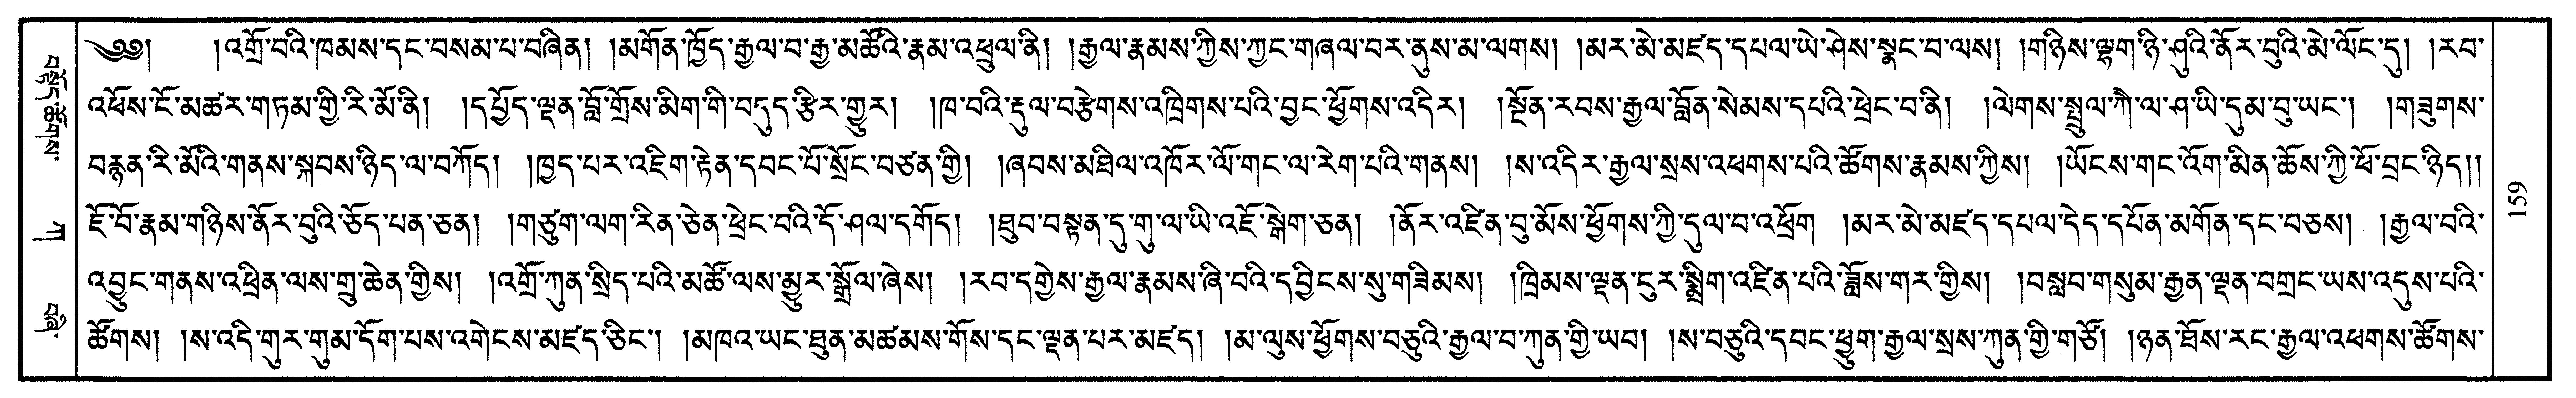༄༅། །འགྲོ་བའི་ཁམས་དང་བསམ་པ་བཞིན། །མགོན་ཁྱོད་རྒྱལ་བ་རྒྱ་མཚོའི་རྣམ་འཕྲུལ་ནི། །རྒྱལ་རྣམས་ཀྱིས་ཀྱང་གཞལ་བར་ནུས་མ་ལགས། །མར་མེ་མཛད་དཔལ་ཡེ་ཤེས་སྣང་བ་ལས། །གཉིས་ལྷག་ཉི་ཤུའི་ནོར་བུའི་མེ་ལོང་དུ། །རབ་
འཕོས་ངོ་མཚར་གཏམ་གྱི་རི་མོ་ནི། །དཔྱོད་ལྡན་བློ་གྲོས་མིག་གི་བདུད་རྩིར་གྱུར། །ཁ་བའི་རྡུལ་བརྩེགས་འཁྲིགས་པའི་བྱང་ཕྱོགས་འདིར། །སྔོན་རབས་རྒྱལ་བློན་སེམས་དཔའི་ཕྲེང་བ་ནི། །ལེགས་སྤྲུལ་ཀཻ་ལ་ཤ་ཡི་དུམ་བུ་ཡང་། །གཟུགས་
བརྙན་རི་མོའི་གནས་སྐབས་ཉིད་ལ་བཀོད། །ཁྱད་པར་འཇིག་རྟེན་དབང་པོ་སྲོང་བཙན་གྱི། །ཞབས་མཐིལ་འཁོར་ལོ་གང་ལ་རེག་པའི་གནས། །ས་འདིར་རྒྱལ་སྲས་འཕགས་པའི་ཚོགས་རྣམས་ཀྱིས། །ཡོངས་གང་འོག་མིན་ཆོས་ཀྱི་ཕོ་བྲང་ཉིད།།
ཇོ་བོ་རྣམ་གཉིས་ནོར་བུའི་ཅོད་པན་ཅན། །གཙུག་ལག་རིན་ཅེན་ཕྲེང་བའི་དོ་ཤལ་དགོད། །ཐུབ་བསྟན་དུ་གུ་ལ་ཡི་འཇོ་སྒེག་ཅན། །ནོར་འཛིན་བུ་མོས་ཕྱོགས་ཀྱི་དུལ་བ་འཕྲོག །མར་མེ་མཛད་དཔལ་དེད་དཔོན་མགོན་དང་བཅས། །རྒྱལ་བའི་
འབྱུང་གནས་འཕྲིན་ལས་གྲུ་ཆེན་གྱིས། །འགྲོ་ཀུན་སྲིད་པའི་མཚོ་ལས་མྱུར་སྒྲོལ་ཞེས། །རབ་དགྱེས་རྒྱལ་རྣམས་ཞི་བའི་དབྱིངས་སུ་གཟིམས། །ཁྲིམས་ལྡན་ངུར་སྨྲིག་འཛིན་པའི་ཟློས་གར་གྱིས། །བསླབ་གསུམ་རྒྱན་ལྡན་བགྲང་ཡས་འདུས་པའི་
ཚོགས། །ས་འདི་གུར་གུམ་དོག་པས་འགེངས་མཛད་ཅིང་། །མཁའ་ཡང་ཐུན་མཚམས་གོས་དང་ལྡན་པར་མཛད། །མ་ལུས་ཕྱོགས་བཅུའི་རྒྱལ་བ་ཀུན་གྱི་ཡབ། །ས་བཅུའི་དབང་ཕྱུག་རྒྱལ་སྲས་ཀུན་གྱི་གཙོ། །ཉན་ཐོས་རང་རྒྱལ་འཕགས་ཚོགས་